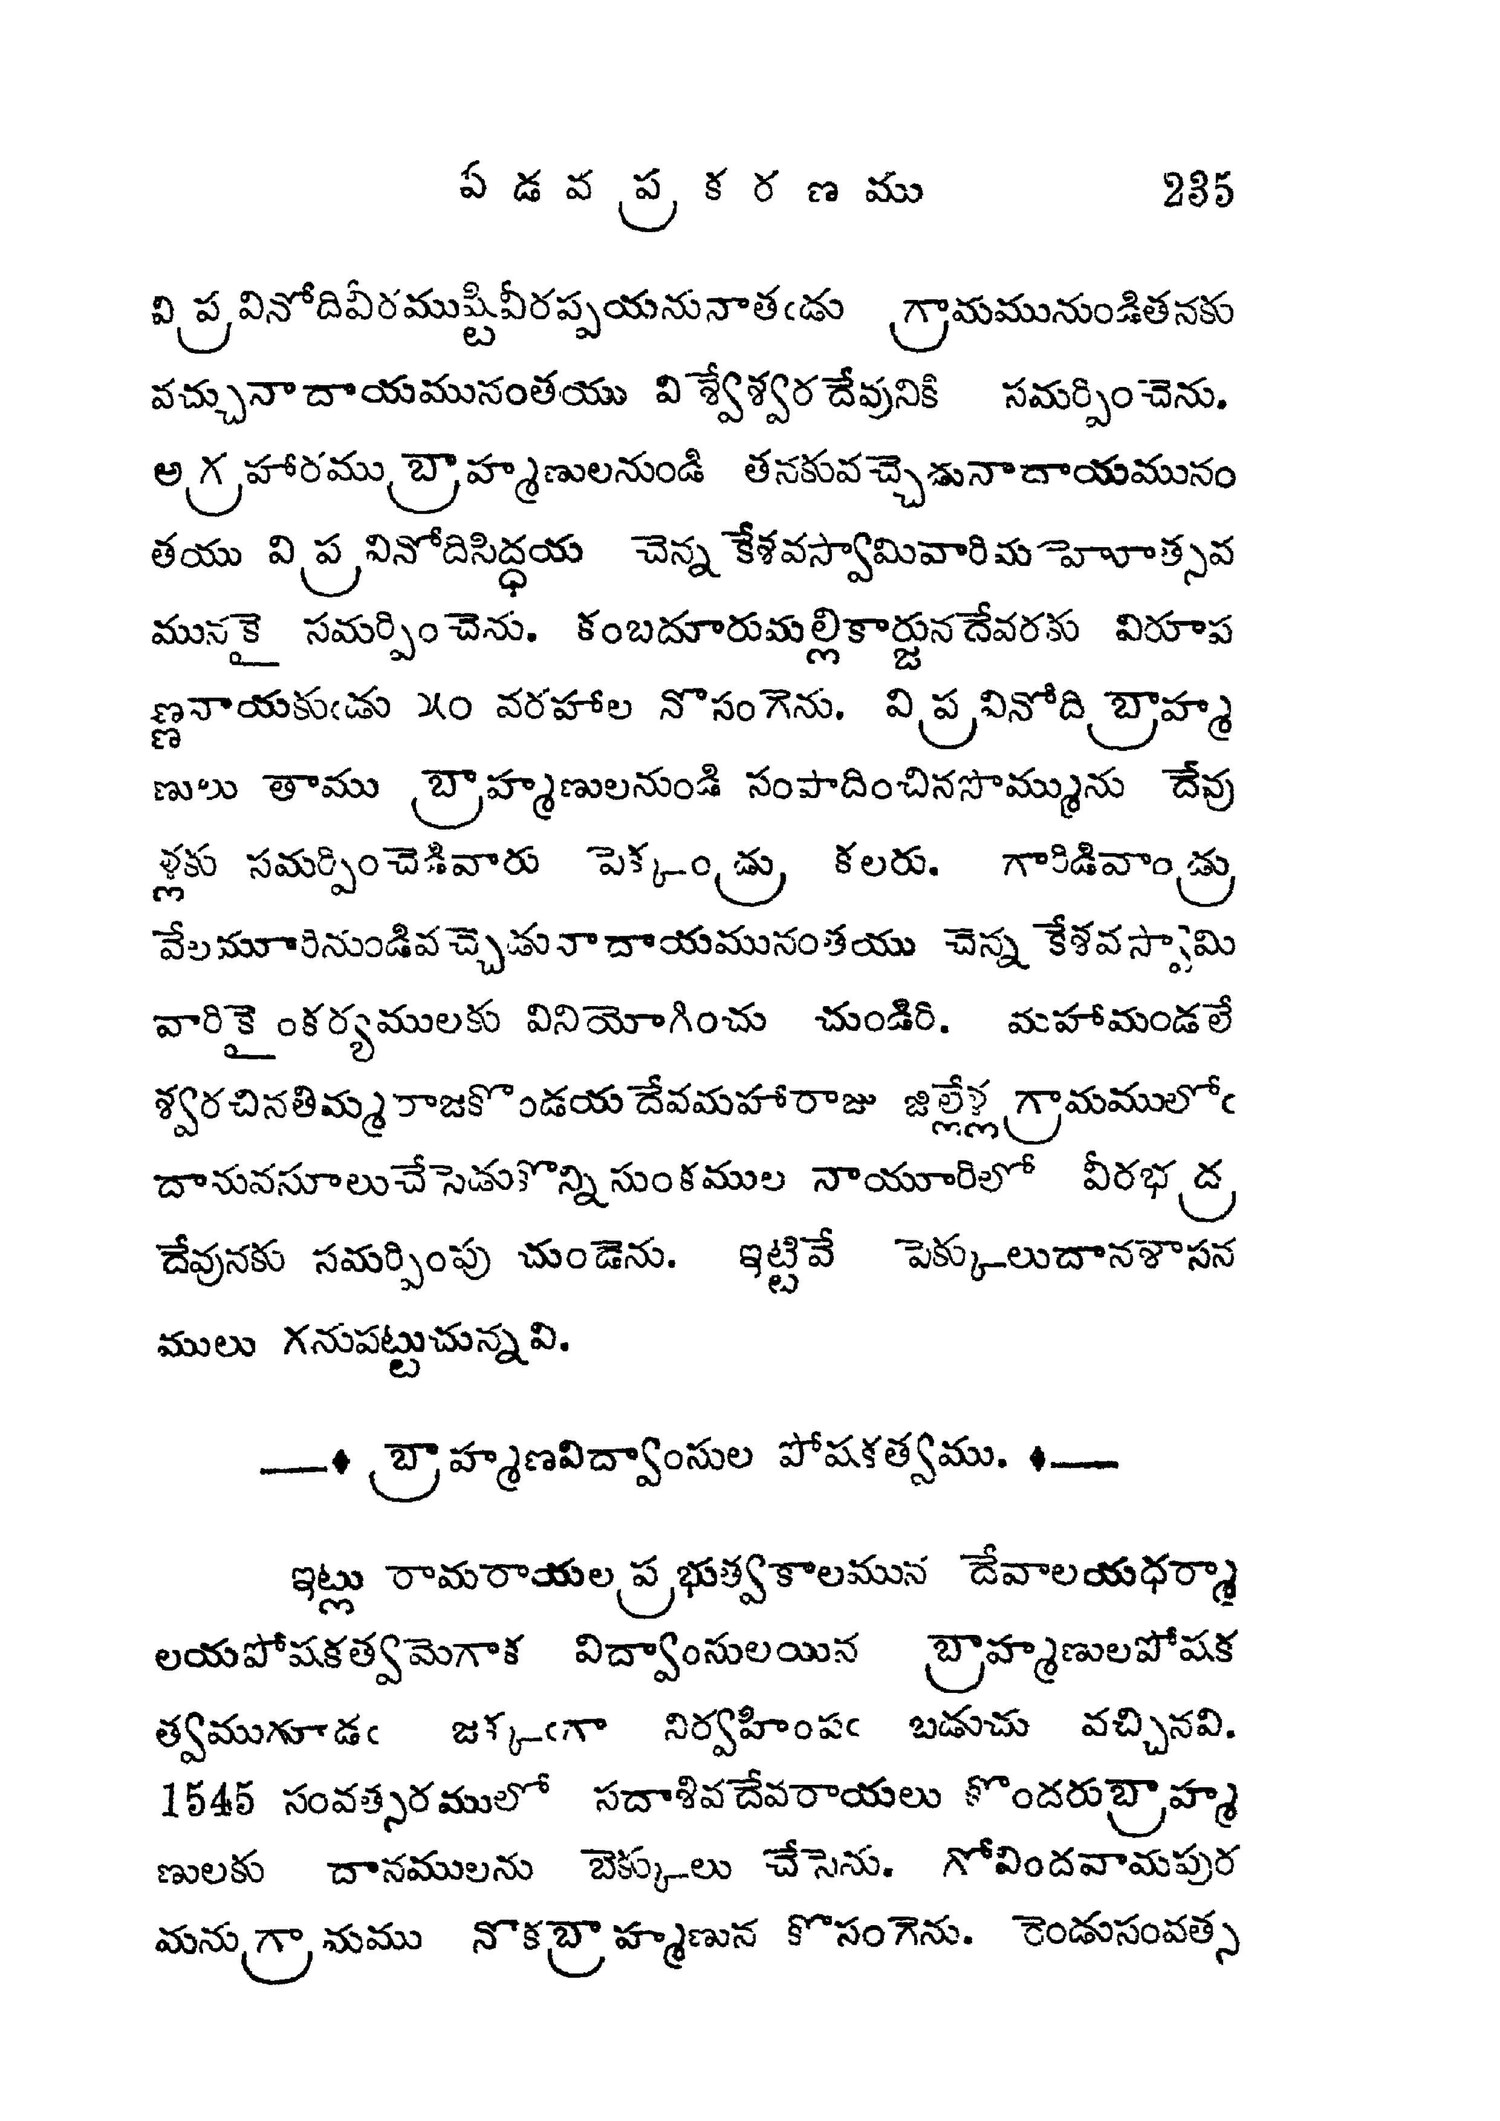విప్రవినోదివీరముష్టివీరప్పయనునాతడు గ్రామమునుండి తనకువచ్చు నాదాయమునంతయు విశ్వేశ్వరదేవునికి సమర్పించెను. అగ్రహారము బ్రాహ్మణులనుండి తనకువచ్చెడు నాదాయమునంతయు విప్రవినోదసిద్ధయ చెన్నకేశవస్వామివారి మహోత్సవమునకై సమర్పించెను. కంబదూరుమల్లికార్జున దేవరకు విరూపాణ్ణనాయకుడు 50 వరహాల నొసంగెను. విప్రవినోదిబ్రాహ్మణులు తాము బ్రాహ్మణులనుండి సంపాదించినసొమ్మును దేవుళ్లకు సమర్పించెడివారు పెక్కండ్రు కలరు. గారిడివాండ్రు వేలమూరినుండివచ్చెడు నాదాయమునంతయు చెన్నకేశవస్వామివారి కైంకర్యములకు వినియోగించు చుండిరి. మహామండలేశ్వర చినతిమ్మరాజకొండయదేవ మహారాజు జిల్లేళ్ల గ్రామములో దానువసూలు చేసెడు కొన్నిసుంకముల నాయూరిలో వీరభద్రదేవునకు సమర్పింపు చుండెను. ఇట్టివే పెక్కులు దానశాసనములు గనుపట్టుచున్నవి.

ఇట్లు రామరాయల ప్రభుత్వకాలమున దేవాలయధర్మాలయపోషకత్వమెగాక విద్వాంసులయిన బ్రాహ్మణులపోషకత్వముగూడ జక్కగా నిర్వహింప బడుచు వచ్చినవి. 1545 సంవత్సరములో సదాశివదేవరాయలు కొందరుబ్రాహ్మణులకు దానములను బెక్కులు చేసెను. గోవిందవామపురమను గ్రామము నొకబ్రాహ్మణున కొసంగెను. రెండుసంవత్స